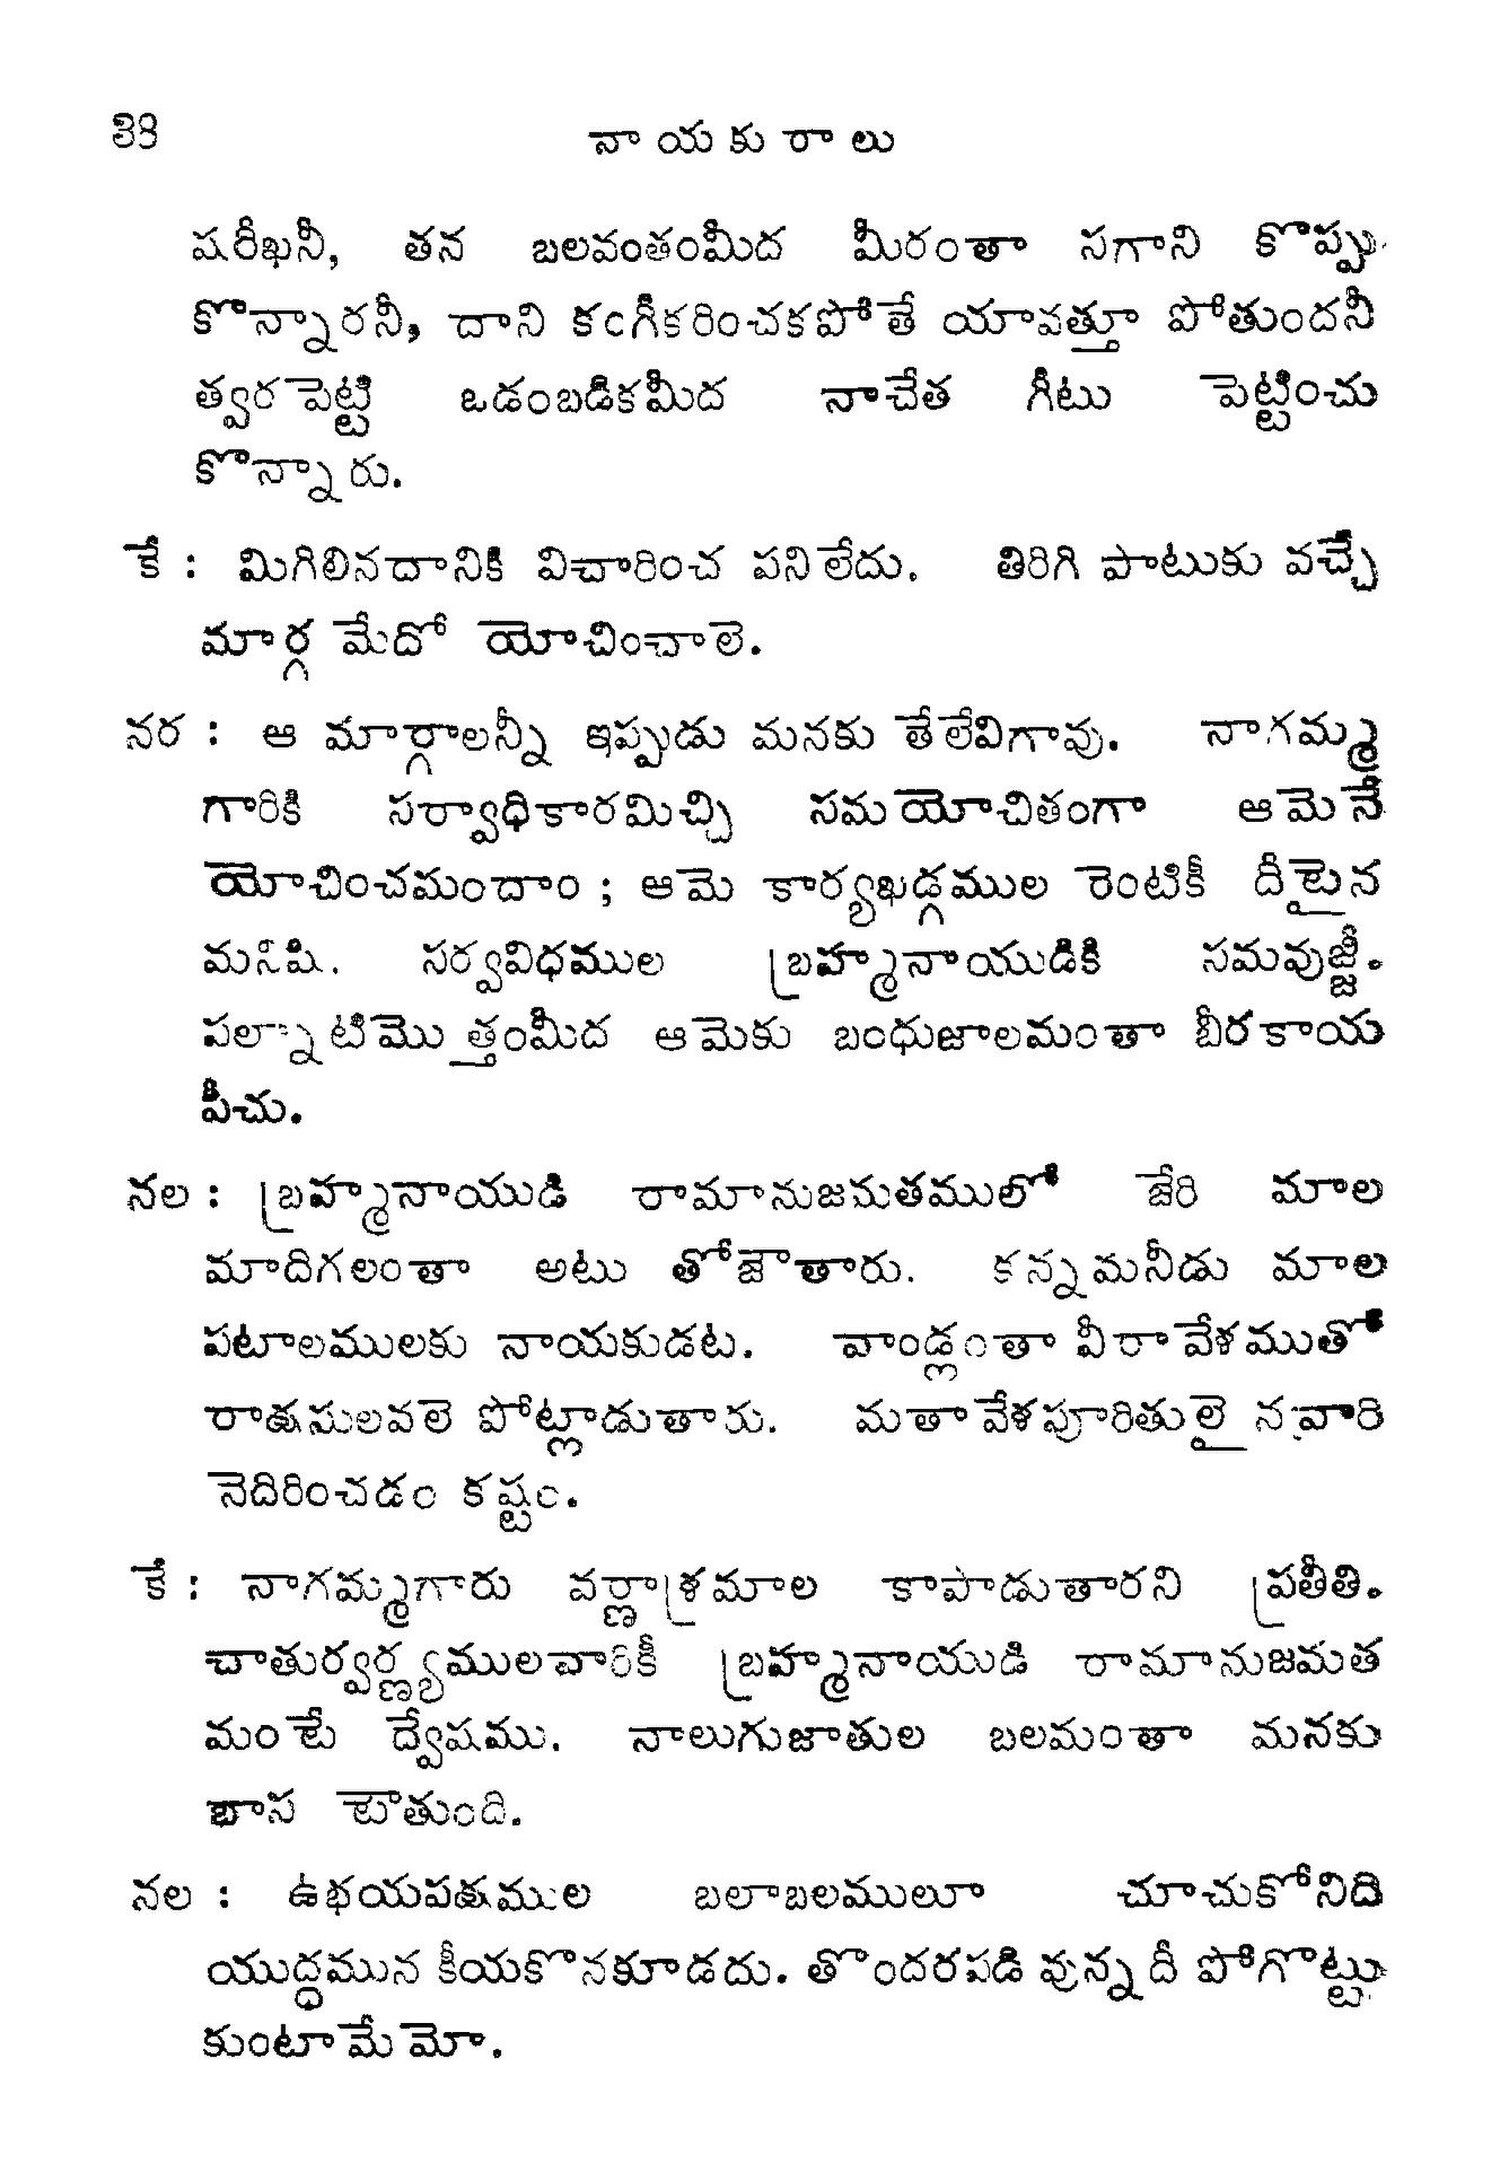షరీఖనీ, తన బలవంతంమీద మీరంతా సగాని కొప్పుకొన్నారనీ, దాని కంగీకరించకపోతే యావత్తూ పోతుందనీ త్వరపెట్టి ఒడంబడికమీద నాచేత గీటు పెట్టించుకొన్నారు.

కే: మిగిలినదానికి విచారించ పనిలేదు. తిరిగి పాటుకు వచ్చే మార్గమేదో యోచించాలె.

నర : ఆ మార్గాలన్నీ ఇప్పుడు మనకు తేలేవిగావు. నాగమ్మగారికి సర్వాధికారమిచ్చి సమయోచితంగా
ఆమెనే యోచించమందాం ; ఆమె కార్యఖడ్గముల రెంటికీ దీటైన మనిషి. సర్వవిధముల
బ్రహ్మనాయుడికి సమవుజ్జీ. పల్నాటిమొత్తంమీద ఆమెకు బంధుజాలమంతా బీరకాయ పీచు.

నల : బ్రహ్మనాయుడి రామానుజమతములో జేరి మాలమాదిగలంతా అటు తోజౌతారు. కన్నమనీడు మాల పటాలములకు నాయకుడట. వాండ్లంతా వీరావేశముతో రాక్షసులవలె పోట్లాడుతారు. మతావేశపూరితులైనవారి నెదిరించడం కష్టం.

కే : నాగమ్మగారు వర్ణాశ్రమాల కాపాడుతారని ప్రతీతి. చాతుర్వర్ణ్యములవారికి బ్రహ్మనాయుడి రానూనుజమత మంటే ద్వేషము. నాలుగుజాతుల బలమంతా మనకు బాస టౌతుంది..

నల : ఉభయపక్షముల బలాబలములూ చూచుకోనిది యుద్ధమున కీయకొనకూడదు. తొందరపడి వున్నదీ పోగొట్టు కుంటామేమో.